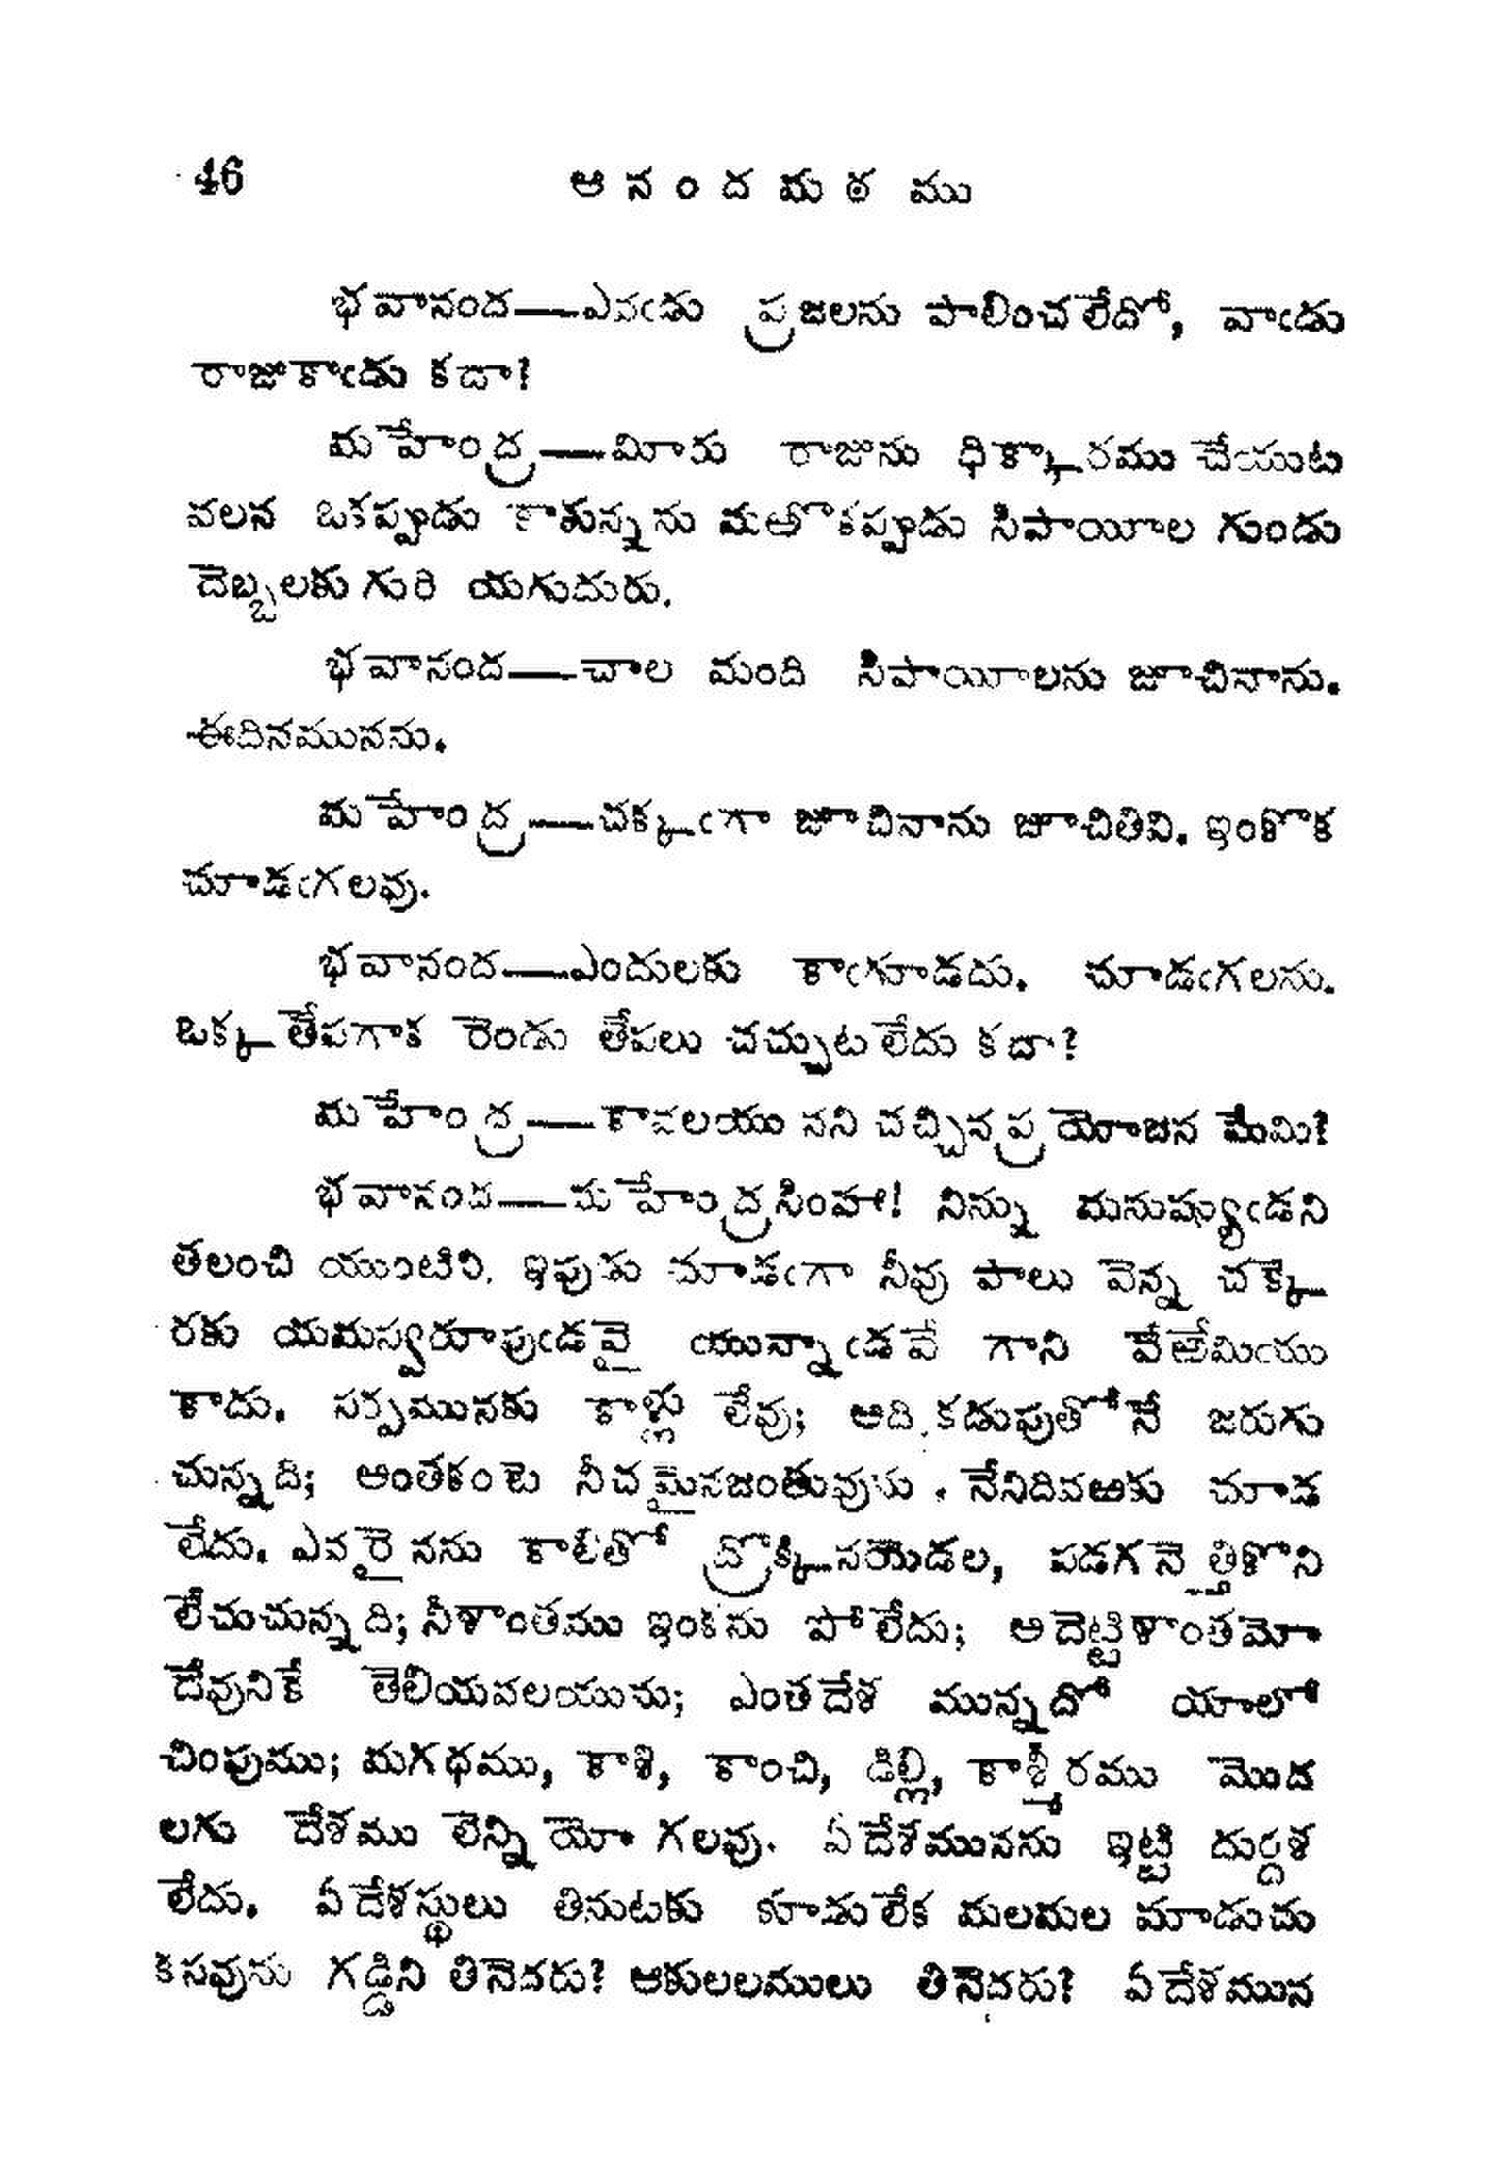భవానంద —— ఎవఁడు ప్రజలను పాలించ లేదో, వాఁడు రాజు కాఁడు కదా!

మహేంద్ర—— మీరు రాజును ధిక్కారము చేయుట వలన ఒకప్పుడు కాకున్నను మఱోకప్పుడు సిపాయీల గుండు దెబ్బలకు గురి యగుదురు.

భవానంద——చాల మంది సిపాయీలను జూచినాను. ఈదినమునను.

మహేంద్ర —— చక్కఁగా జూచినాను జూచితివి. ఇంకొక చూడఁగలవు.

భవానంద—— ఎందులకు కాఁగూడదు, చూడఁగలను. ఒక్క తేపగాక రెండు తేపలు చచ్చుట లేదు కదా?

మహేంద్ర—— కావలయు ననీ చచ్చిన ప్రయోజన మేమి?

భవానంద—— మహేంద్రసింహా! నిన్ను మనుష్యుఁడని తలంచి యుంటిని. ఇపుడు చూడఁగా నీవు పాలు వెన్న చక్కెరకు యమస్వరూపుఁడవై యున్నాఁడవే గాని వేఱేమిఁయు కాదు. సర్పమునకు కాళ్లు లేవు; అది కడుపుతోనే జరుగుచున్నది; అంతకంటే నీచమైనజంతువును, నేనిదివఱకు చూడలేదు. ఎవరైనను కాలితో ద్రోక్కినయెడల, పడగ నైతికొని లేచుచున్నది; నీశాంతము ఇంకను పోలేదు; అదెట్టి శాంతమో
దేవునికే తెలియవలయును; ఎంత దేశ మున్నదో యాలోచింపుము; మగధము, కాళి, కాంచి, డిల్లి, కాశ్మీరము "మొదలగు దేశము లెన్ని యో గలవు, ఏ దేశమునను ఇట్టి దుర్గశ లేదు. ఏ దేశస్థులు తినుటకు కూడు లేక మలమల మాడుచు కసవును గడ్డిని తినెదరు? ఆకులలములు తినెదరు? ఏదేశమున